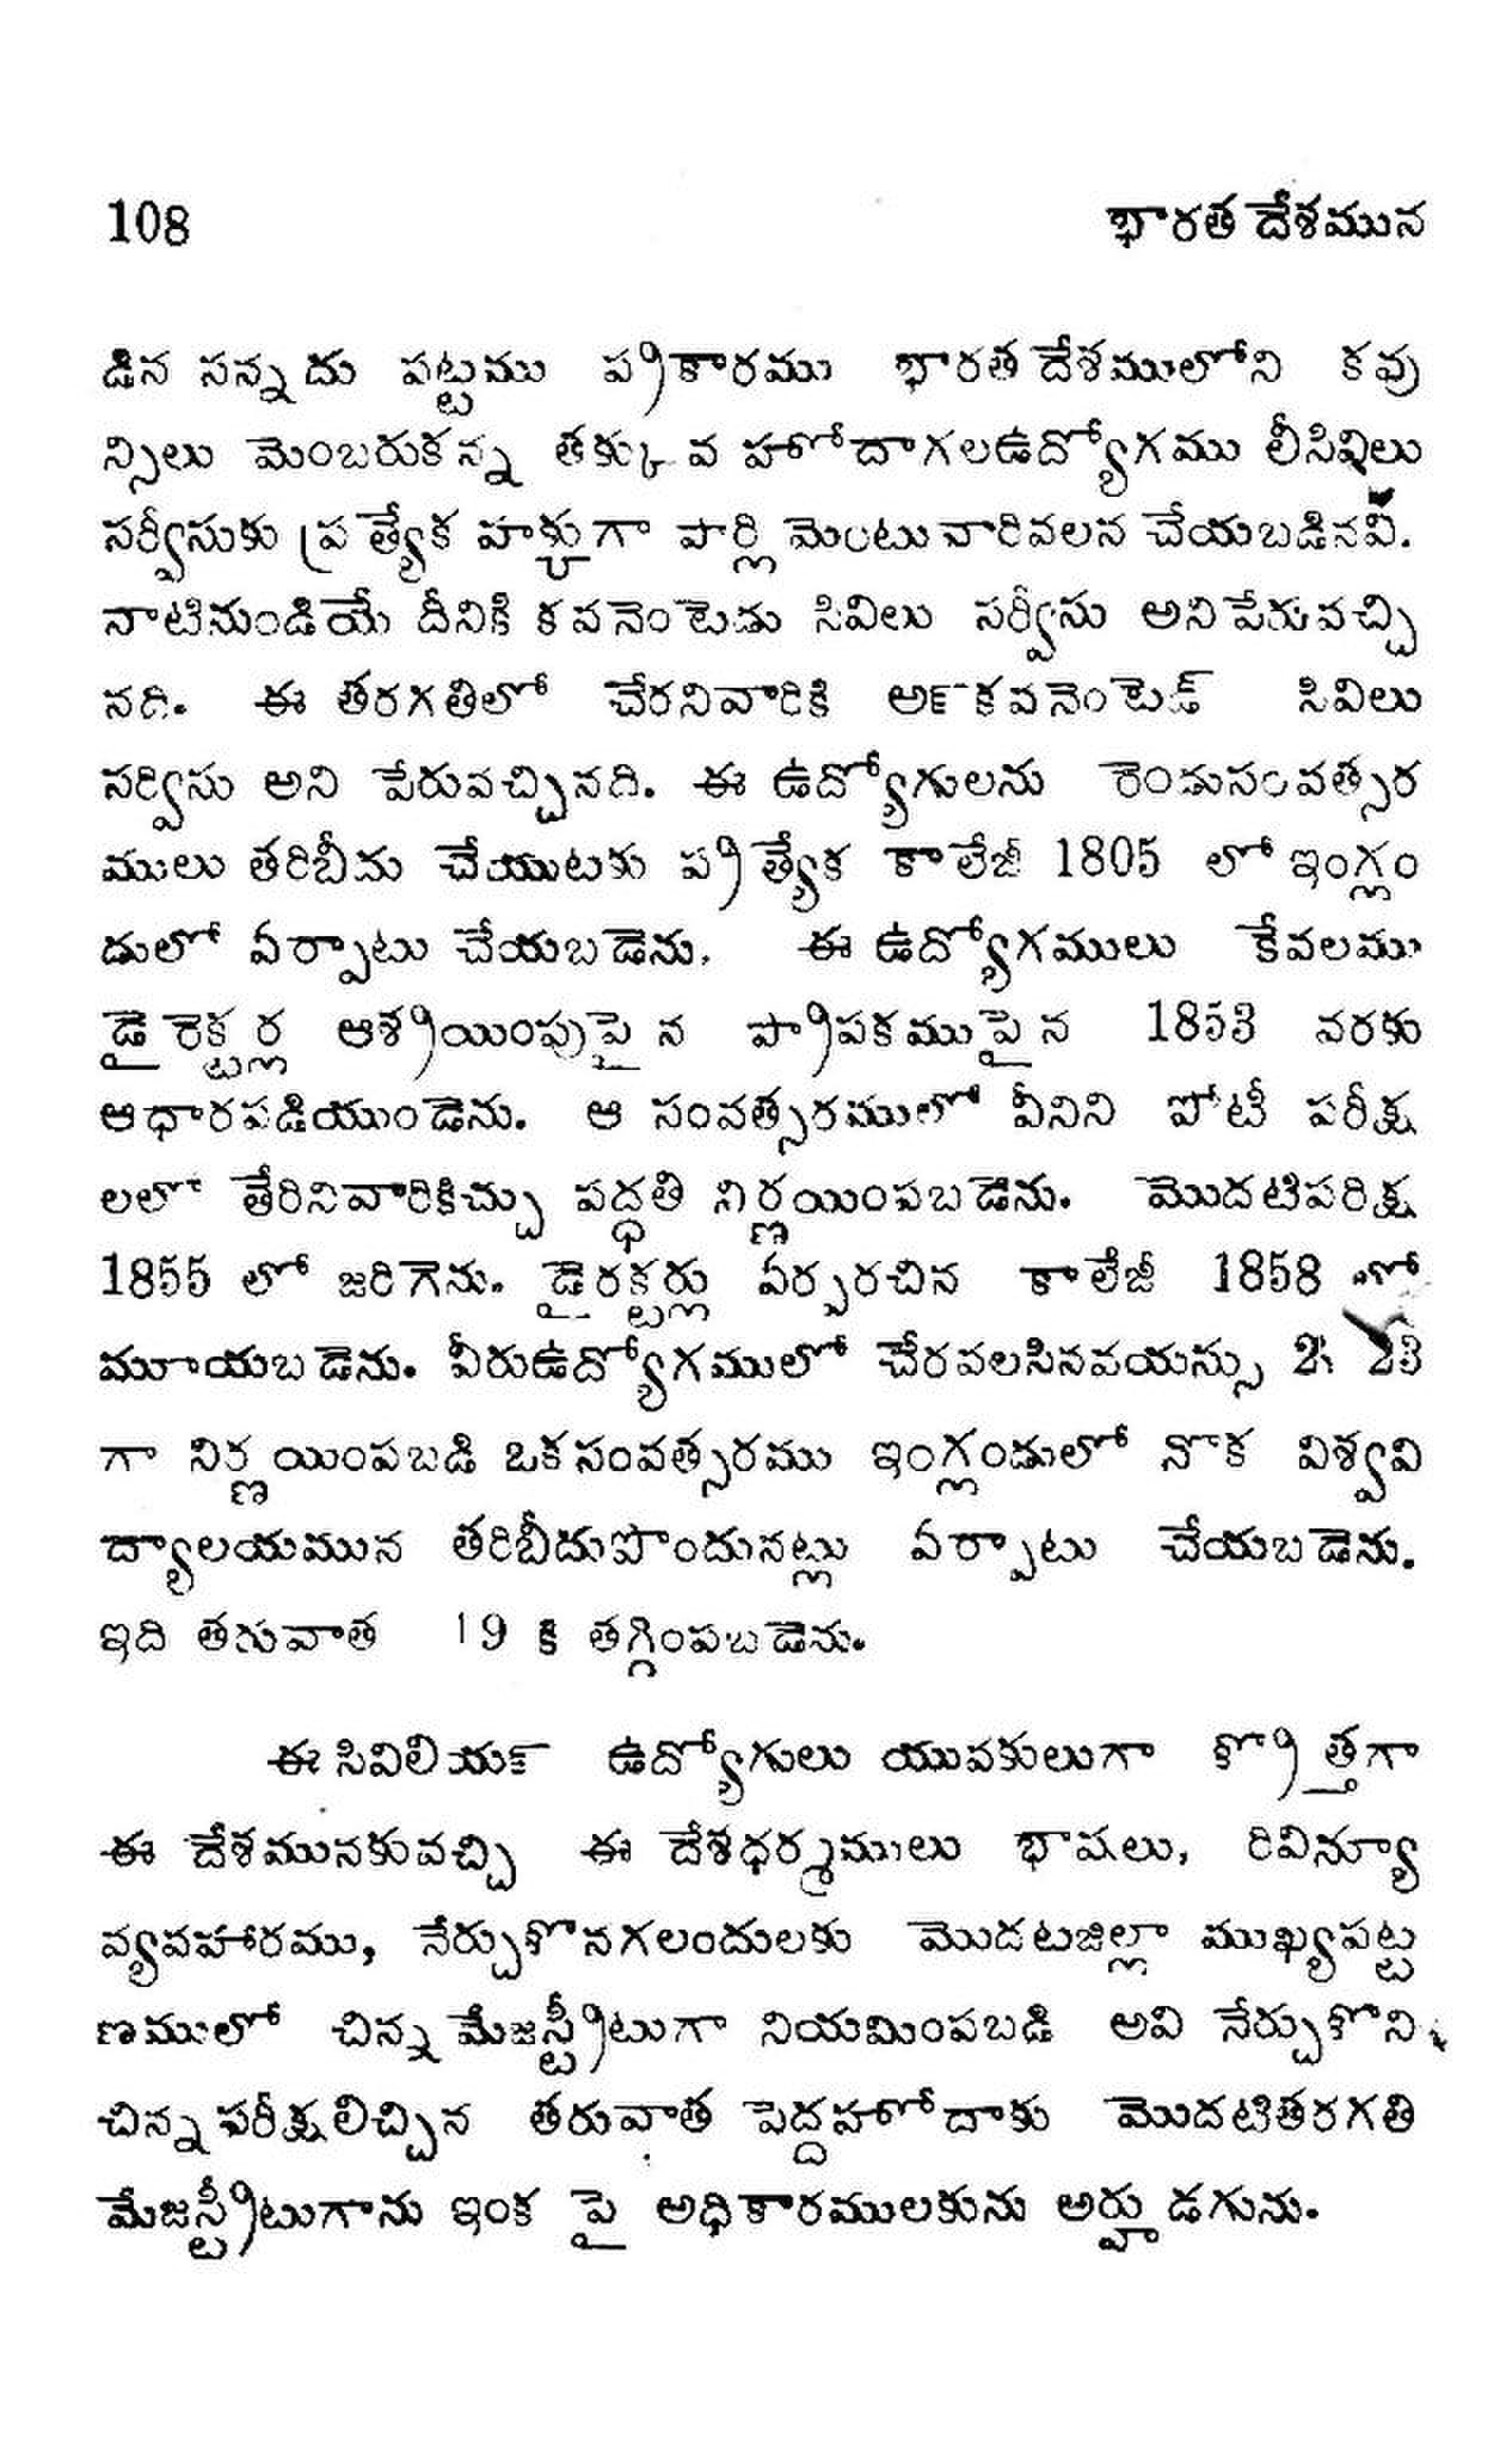డిన సన్నదు పట్టము ప్రకారము భారతదేశములోని కవున్సిలు మెంబరుకన్న తక్కువ హోదాగలఉద్యోగము లీసివిలు సర్వీసుకు ప్రత్యేక హక్కుగా పార్లిమెంటువారివలన చేయబడినవి. నాటినుండియే దీనికి కవనెంటెడు సివిలు సర్వీసు అనిపేరువచ్చినది. ఈ తరగతిలో చేరనివారికి అ౯కవనెంటెడ్ సివిలు సర్విసు అని పేరువచ్చినది. ఈ ఉద్యోగులను రెండు సంవత్సరములు తరిబీదు చేయుటకు ప్రత్యేక కాలేజీ 1805 లో ఇంగ్లండులో ఏర్పాటు చేయబడెను, ఈ ఉద్యోగములు కేవలము డైరెక్టర్ల ఆశ్రయింపుపైన ప్రాపకముపైన 1853 వరకు ఆధారపడియుండెను. ఆ సంవత్సరములో వీనిని పోటీ పరీక్షలలో తేరినివారికిచ్చు పద్దతి నిర్ణయింపబడెను. మొదటిపరిక్ష 1855 లో జరిగెను. డైరక్టర్లు ఏర్పరచిన కాలేజీ 1858 లో మూయబడెను. వీరుఉద్యోగములో చేరవలసినవయస్సు 22, 23 గా నిర్ణయింపబడి ఒకసంవత్సరము ఇంగ్లండులో నొక విశ్వవిద్యాలయమున తరిబీదు పొందునట్లు ఏర్పాటు చేయబడెను. ఇది తరువాత 19 కి తగ్గింపబడెను.

ఈ సివిలియ౯ ఉద్యోగులు యువకులుగా క్రొత్తగా ఈ దేశమునకువచ్చి ఈ దేశధర్మములు భాషలు, రివిన్యూ వ్యవహారము, నేర్చుకొనగలందులకు మొదటజిల్లా ముఖ్యపట్టణములో చిన్న మేజస్ట్రీటుగా నియమింపబడి అవి నేర్చుకొని , చిన్న పరీక్షలిచ్చిన తరువాత పెద్దహోదాకు మొదటితరగతి మేజస్ట్రీటుగాను ఇంక పై అధికారములకును అర్హుడగును.